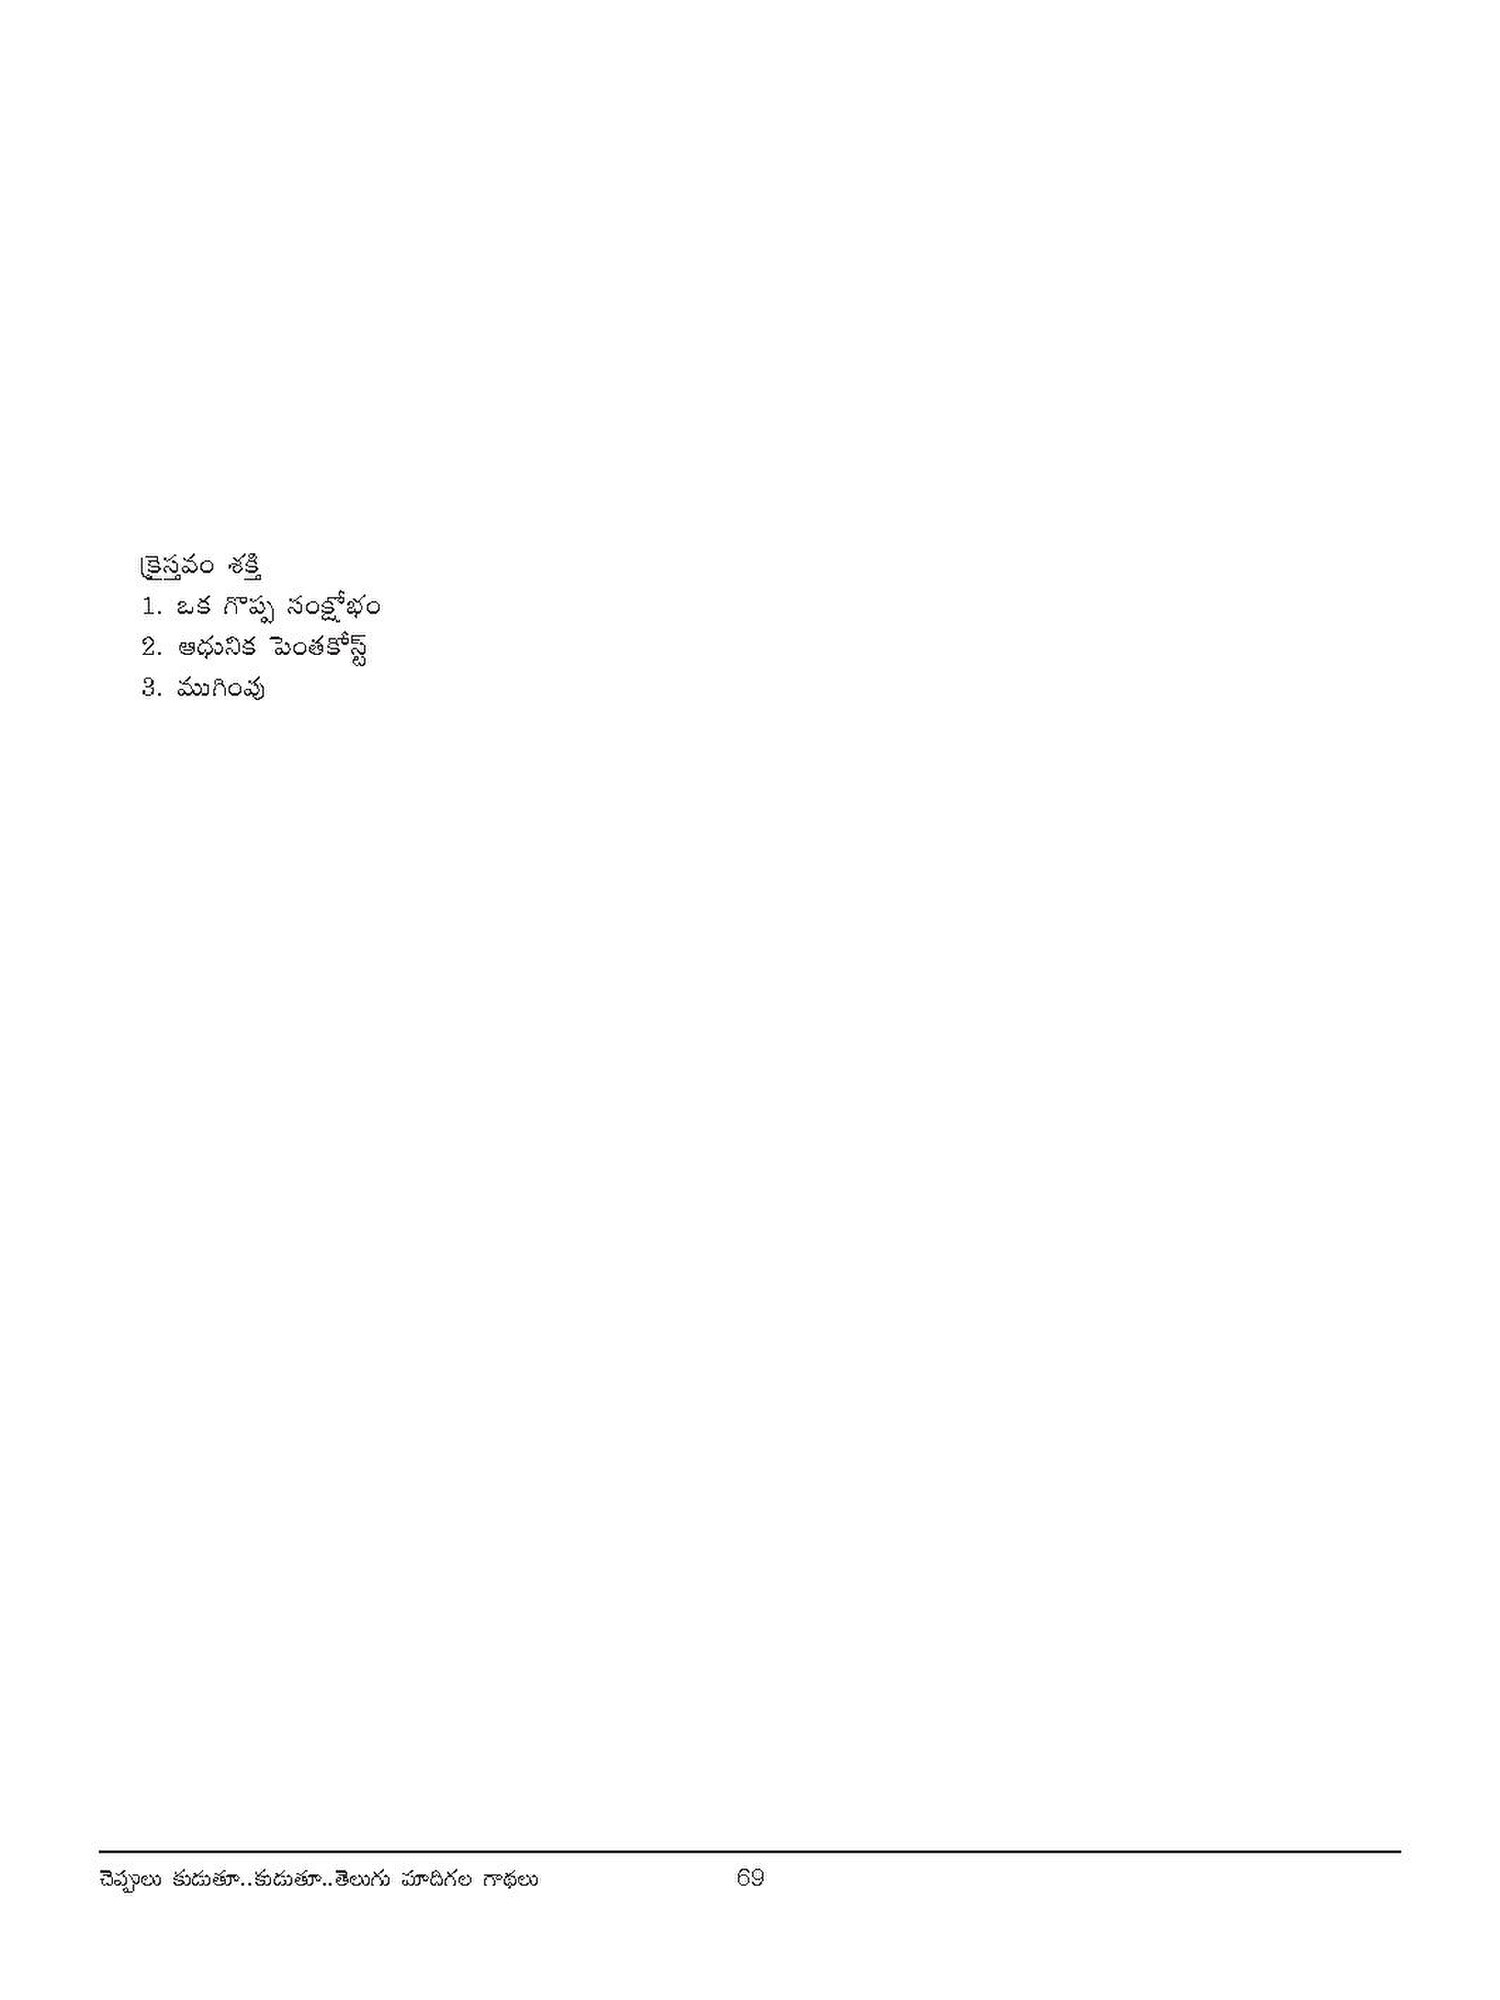క్రైస్తవం శక్తి

1. ఒక గొప్ప సంక్షోభం

2. ఆధునిక పెంతకోస్ట్

3. ముగింపు